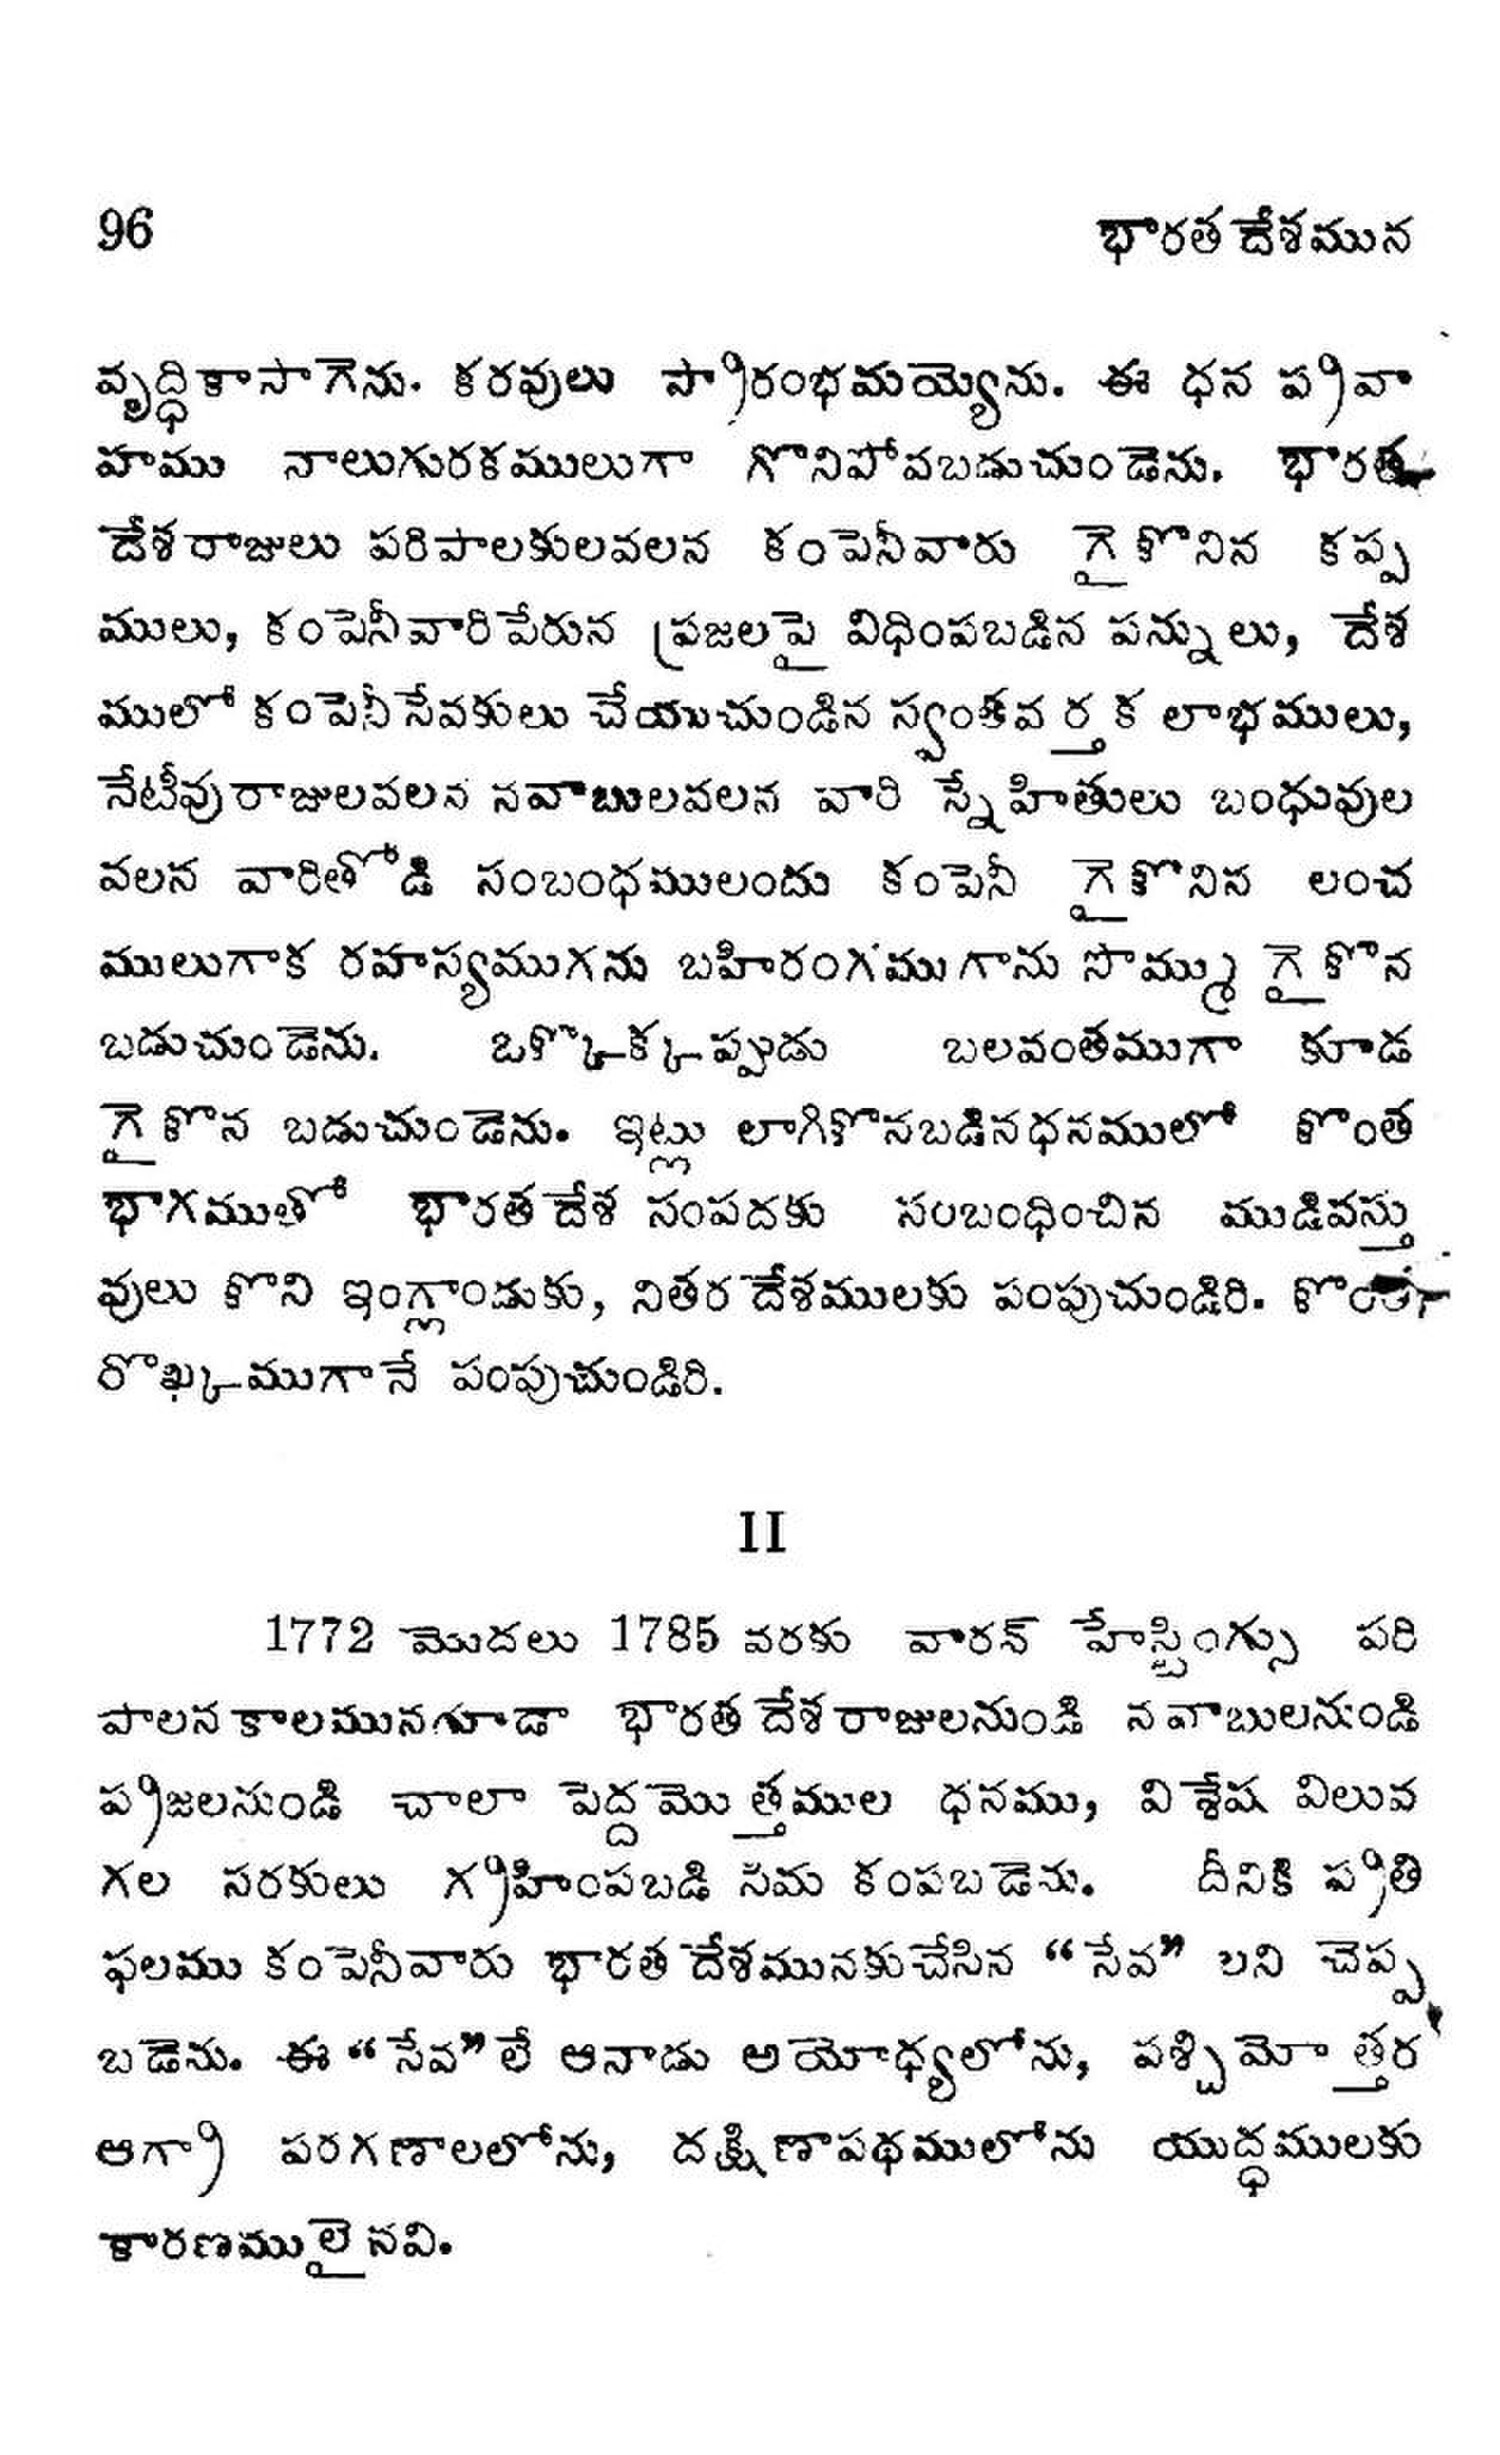వృద్ధికాసాగెను. కరవులు ప్రారంభమయ్యెను. ఈ ధన ప్రవాహము నాలుగురకములుగా గొనిపోవబడుచుండెను. భారత దేశరాజులు పరిపాలకులవలన కంపెనీ వారు గైకొనిన కప్పములు, కంపెనీవారిపేరున ప్రజలపై విధింపబడిన పన్నులు, దేశములో కంపెనీసేవకులు చేయుచుండిన స్వంతవర్తక లాభములు, నేటివురాజులవలన నవాబులవలన వారి స్నేహితులు బంధువుల వలన వారితోడి సంబంధములందు కంపెనీ గైకొనిన లంచములుగాక రహస్యముగను బహిరంగముగాను సొమ్ము గైకొనబడుచుండెను. ఒక్కొక్కప్పుడు బలవంతముగా కూడ గైకొన బడుచుండెను. ఇట్లు లాగికొనబడిన ధనములో కొంత భాగముతో భారతదేశ సంపదకు సంబంధించిన ముడివస్తువులు కొని ఇంగ్లాండుకు, నితర దేశములకు పంపుచుండిరి. కొంత రొఖ్కముగానే పంపుచుండిరి.

||

1772 మొదలు 1785 వరకు వారన్ హేస్టింగ్సు పరిపాలనకాలమునగూడా భారతదేశరాజులనుండి నవాబులనుండి ప్రజలనుండి చాలా పెద్దమొత్తముల ధనము, విశేష విలువగల సరకులు గ్రహింపబడి సీమ కంపబడెను. దీనికి ప్రతిఫలము కంపెనీవారు భారతదేశమునకు చేసిన “ సేవ" లని చెప్పబడెను. ఈ “ సేవ” లే ఆనాడు అయోధ్యలోను, పశ్చిమోత్తర ఆగ్రా పరగణాలలోను, దక్షిణాపథములోను యుద్ధములకు కారణములైనవి.